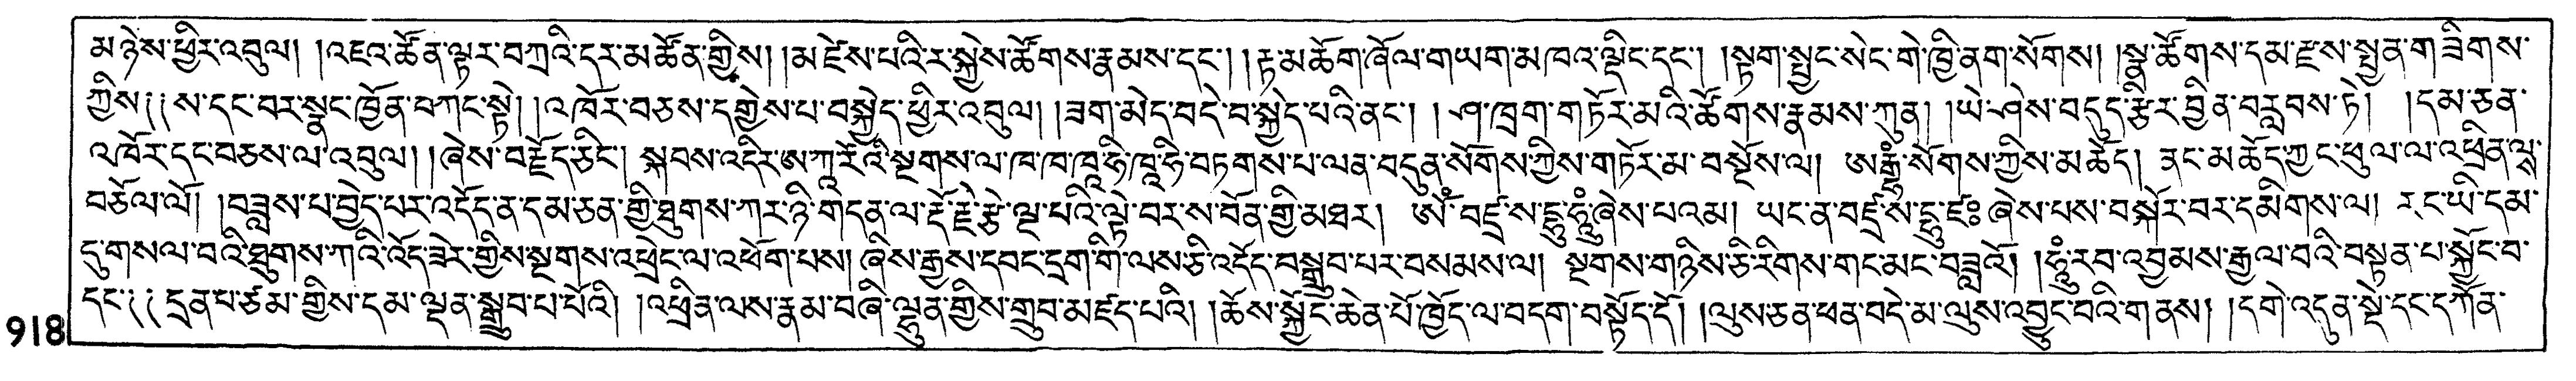མཉེས་ཕྱིར་འབུལ། །འཇའ་ཚོན་ལྟར་བཀྲའི་དར་མཚོན་གྱིས། །མཛེས་པའི་ར་སྐྱེས་ཚོགས་རྣམས་དང་། །རྟ་མཆོག་ཞོལ་གཡག་མཁའ་ལྡིང་དང་། །སྟག་སྤྱང་སེང་གེ་ཁྱི་ནག་སོགས། །སྣ་ཚོགས་དམ་རྫས་སྤྱན་གཟིགས་
ཀྱིས༑ ༑ས་དང་བར་སྣང་ཁྱོན་བཀང་སྟེ། །འཁོར་བཅས་དགྱེས་པ་བསྐྱེད་ཕྱིར་འབུལ། །ཟག་མེད་བདེ་བ་སྐྱེད་པའི་ནང་། །ཤ་ཁྲག་གཏོར་མའི་ཚོགས་རྣམས་ཀུན། །ཡེ་ཤེས་བདུད་རྩིར་བྱིན་བརླབས་ཏེ། །དམ་ཅན་
འཁོར་དང་བཅས་ལ་འབུལ། །ཞེས་བརྗོད་ཅིང་། སྐབས་འདིར་ཨ་ཀཱ་རོའི་སྔགས་ལ་ཁ་ཁ་ཁཱ་ཧི་ཁཱ་ཧི་བཏགས་པ་ལན་བདུན་སོགས་ཀྱིས་གཏོར་མ་བསྔོས་ལ། ཨརྒྷཾ་སོགས་ཀྱིས་མཆོད། ནང་མཆོད་ཀྱང་ཕུལ་ལ་འཕྲིན་ལས་
བཅོལ་ལོ། །བཟླས་པ་བྱེད་པར་འདོད་ན་དམ་ཅན་གྱི་ཐུགས་ཀར་ཉི་གདན་ལ་རྡོ་རྗེ་རྩེ་ལྔ་པའི་ལྟེ་བར་ས་བོན་གྱི་མཐར། ཨོཾ་བཛྲ་ས་དྷུ་ཧཱུཾ་ཞེས་པའམ། ཡང་ན་བཛྲ་ས་དྷུ་ཛཿ ཞེས་པས་བསྐོར་བར་དམིགས་ལ། རང་ཡི་དམ་
དུ་གསལ་བའི་ཐུགས་ཀའི་འོད་ཟེར་གྱིས་སྔགས་འཕྲེང་ལ་འཕོག་པས། ཞིས་རྒྱས་དབང་དྲག་གི་ལས་ཅི་འདོད་བསྒྲུབ་པར་བསམས་ལ། སྔགས་གཉིས་ཅི་རིགས་གང་མང་བཟླའོ། །ཧཱུཾ་རབ་འབྱམས་རྒྱལ་བའི་བསྟན་པ་སྐྱོང་བ་
དང༑ ༑དྲན་པ་ཙམ་གྱིས་དམ་ལྡན་སྒྲུབ་པ་པོའི། །འཕྲིན་ལས་རྣམ་བཞི་ལྷུན་གྱིས་གྲུབ་མཛད་པའི། །ཆོས་སྐྱོང་ཆེན་པོ་ཁྱོད་ལ་བདག་བསྟོད་དོ། །ལུས་ཅན་ཕན་བདེ་མ་ལུས་འབྱུང་བའི་གནས། །དགེ་འདུན་སྡེ་དང་དཀོན་